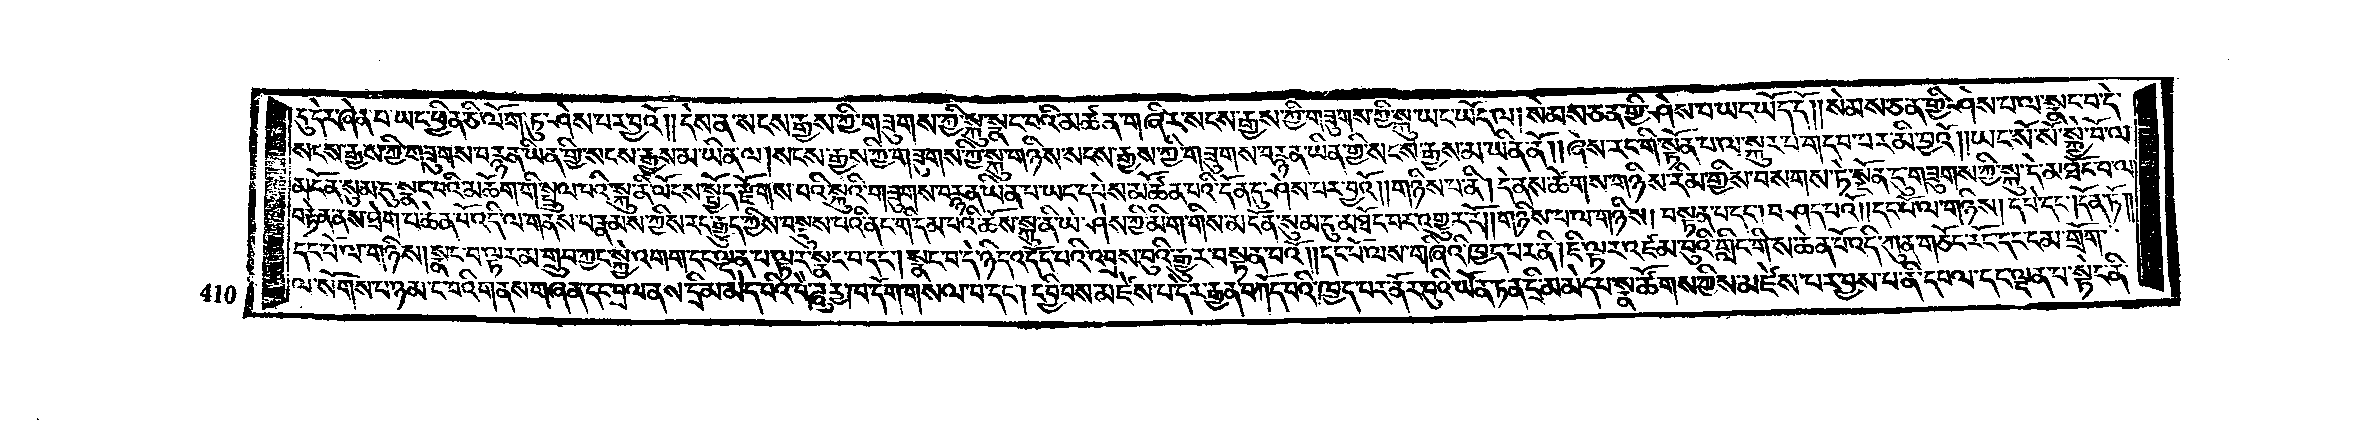དུ་དེར་ཞེན་པ་ཡང་ཕྱིན་ཅི་ལོག་ཏུ་ཤེས་པར་བྱའོ། །དེས་ན་སངས་རྒྱས་ཀྱི་གཟུགས་ཀྱི་སྐུ་སྣང་བའི་མཚན་གཞིར་སངས་རྒྱས་ཀྱི་གཟུགས་ཀྱི་སྐུ་ཡང་ཡོད་ལ། སེམས་ཅན་གྱི་ཤེས་པ་ཡང་ཡོད་དོ། །སེམས་ཅན་གྱི་ཤེས་པ་ལ་སྣང་བ་དེ་
སངས་རྒྱས་ཀྱི་གཟུགས་བརྙན་ཡིན་གྱི་སངས་རྒྱས་མ་ཡིན་ལ། སངས་རྒྱས་ཀྱི་གཟུགས་ཀྱི་སྐུ་གཉིས་སངས་རྒྱས་ཀྱི་གཟུགས་བརྙན་ཡིན་གྱི་སངས་རྒྱས་མ་ཡིན་ནོ། །ཞེས་རང་གི་སྟོན་པ་ལ་སྐུར་པ་གདབ་པར་མི་བྱའོ། །ཡང་སོ་སོ་སྐྱེ་བོ་ལ་
མངོན་སུམ་དུ་སྣང་བའི་མཆོག་གི་སྤྲུལ་པའི་སྐུ་ནི་ལོངས་སྤྱོད་རྫོགས་པའི་སྐུའི་གཟུགས་བརྙན་ཡིན་པ་ཡང་དཔེས་མཚོན་པའི་དོན་དུ་ཤེས་པར་བྱའོ། །གཉིས་པ་ནི། དེ་ནས་ཚོགས་གཉིས་རིམ་གྱིས་བསགས་ཏེ་སྔོན་དུ་གཟུགས་ཀྱི་སྐུ་དེ་མཐོང་བ་ལ་
བརྟེན་ནས་ཐེག་པ་ཆེན་པོ་འདི་ལ་གནས་པ་རྣམས་ཀྱིས་རང་རྒྱུད་ཀྱིས་བསྡུས་པའི་ནང་གི་དམ་པའི་ཆོས་སྐུ་ནི་ཡེ་ཤེས་ཀྱི་མིག་གིས་མངོན་སུམ་དུ་མཐོང་བར་འགྱུར་རོ། །གཉིས་པ་ལ་གཉིས། བསྟན་པ་དང་། བཤད་པའོ། །དང་པོ་ལ་གཉིས། དཔེ་དང་། དོན་ཏོ། །
དང་པོ་ལ་གཉིས། སྣང་བ་ལྟར་མ་གྲུབ་ཀྱང་སྐྱེ་འགག་དང་ལྡན་པ་ལྟར་སྣང་བ་དང་། སྣང་བ་དེ་ཉིད་འདོད་པའི་འབྲས་བུའི་རྒྱུར་བསྟན་པའོ། །དང་པོ་ལས་གཞིའི་ཁྱད་པར་ནི། ཇི་ལྟར་འཛམ་བུའི་གླིང་གི་ས་ཆེན་པོ་འདི་ཀུན་གཅོང?་རོང་དང་ངམ་གྲོག་
ལ་སོགས་པ་ཉམ་ང་བའི་གནས་གཞན་དང་བྲལ་ནས་དྲི་མ་མེད་པའི་བཻ་ཌཱུ་རྱ་ཁ་དོག་གསལ་བ་དང་། དབྱིབས་མཛེས་པ་དེར་རྒྱན་བཀོད་པའི་ཁྱད་པར་ནོར་བུའི་ཡོན་ཏན་དྲི་མ་མེད་པ་སྣ་ཚོགས་ཀྱིས་མཛེས་པར་བྱས་པ་ནི་དཔལ་དང་ལྡན་པ་སྟེང་ནི་